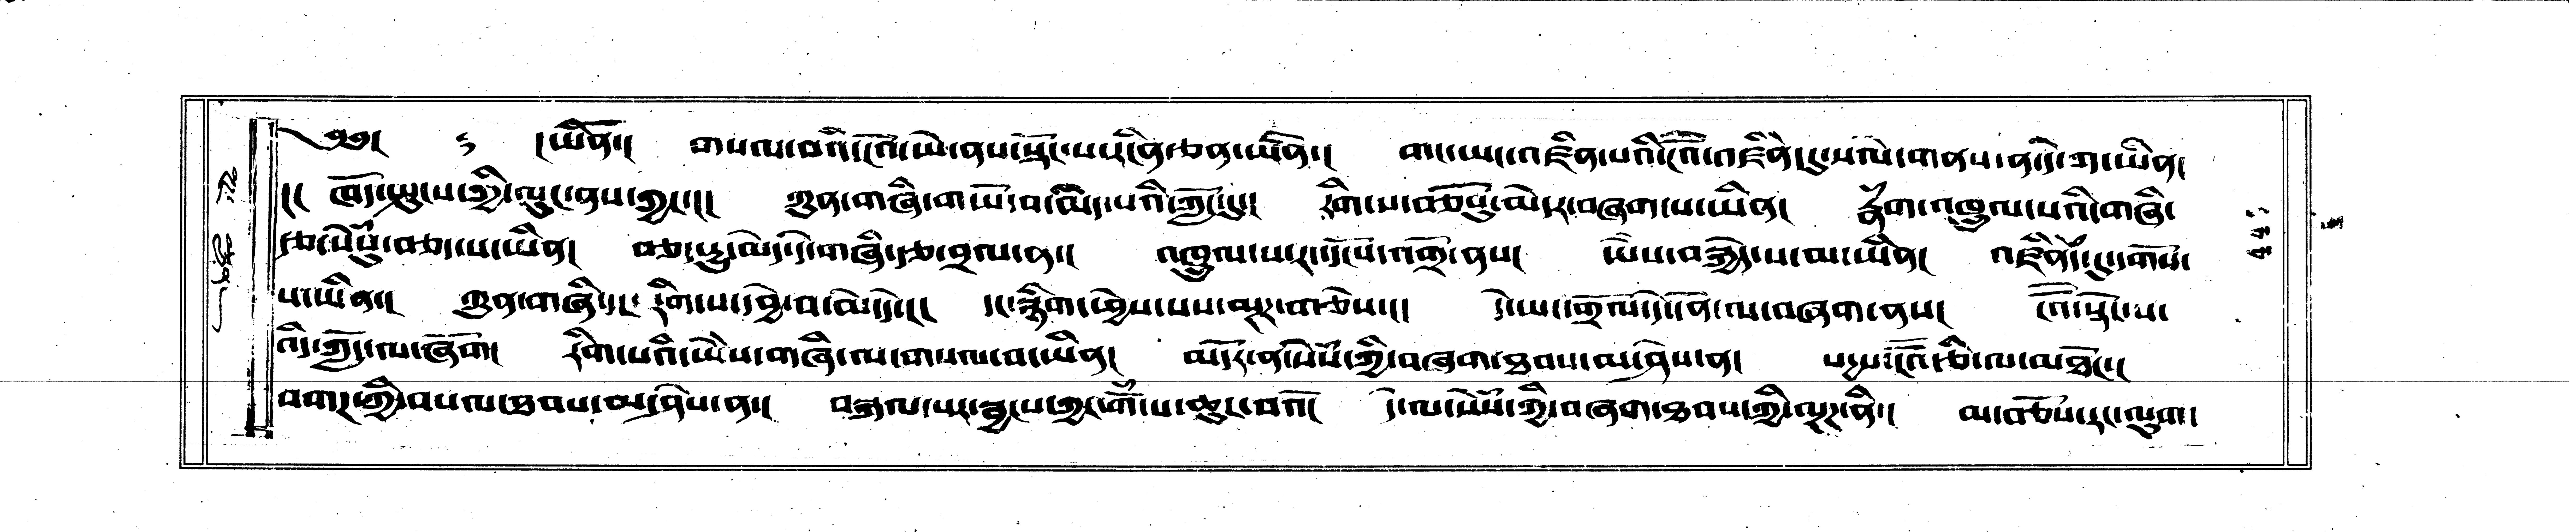ཡིན། གསལ་བའི་ངོའོ་ཡེ་ནས་སྟོང་པའི་རང་བཞིན་ཅན་ཡིན། གང་ཡང་རིག་པའི་ངོའོ་འཛིན་མེད་དུ་སལེ་གནས་པ་དེ་ཀ་ཡིན།
 ཁོད་སྤུངས་ཀྱིས་ལུང་ནས་ཀྱང་། ཀུན་གཞི་གཡོ་བ་མེད་པའི་ཀློང་དུ། རིག་པ་བཅོས་སུ་མེད་པར་བཞག་པ་ཡིན། རྣམ་རྟོག་འཁྲུལ་པའི་གཞི་
རྩ་སེམས་སུ་བཅད་པ་ཡིན། བཅད་རྒྱུ་མེད་དེ་གཞི་རྩ་བྲལ་ན། འཁྲུལ་པ་རང་དག་སུ་འགྲོ། འཁྲུལ་པ་རང་དག་སུ་འགྲོ་ནས། ཡེ་ཤེས་རང་ཤར་དུ་འགྲོ་བའོ། རྣམ་རྟོག་བཀག་པ་མ་ཡིན། གྷག་(འགག)མེད་དུ་གྲོལ་ཤེས་དགོས་པ་ཡིན། ཡེ་ཤེས་བསྐྱེད་པ་མ་ཡིན། འཛིན་མེད་དུ་བཞག་ཤེས་དགོས་
པ་ཡིན། ཀུན་གཞི་དང་རིག་པ་ལ་དབྱེ་བ་མེད་དེ། དང་སྙིག་འབྱེད་པའི་མེན་ངག་ཅེས་གསུངས་། དེ་ཡང་བཀྲོལ་ཏེ་དོན་ལ་བཞག་ན། ངོའོ་སྟོང་པ་
འདི་ཉིད་ཀློད་ལ་ཞོག་དང་། རིག་པའི་ཡེ་ཤེས་གཞི་ལ་གསལ་བ་ཡིན། མདོར་ན་སེམས་ཀྱིས་བཞག་ཐབས་མ་ཤེས་ན། སངས་རྒྱས་ཀྱིས་ངོའོ་ཅི་ལ་མཐོང་།
 གགས་ཀྱིས་བསལ་ཐབས་མ་ཤེས་ན། ཡེ་ཤེས་རང་ཤར་ཅི་ལ་གྲོལ། བོག་འདོན་གནད་ཀྱིས་མེན་ངག་མ་ཤེས་ན། ཉམས་མྱོང་ཅི་ལ་བསྐྱེད། ཉམས་ཀྱིས་སྐྱངས་ཐབས་མ་ཤེས་ན། སྐལ་༼བསྐལ༽བར་སྒོམས་ཀྱང་གོམ་པ་ཆུང་བའོ། དེ་ལ་སེམས་ཀྱིས་བཞག་ཐབས་ཀྱི་མེན་ངག་ནི། མ་བཅོས་རང་ལུགས་སུ་